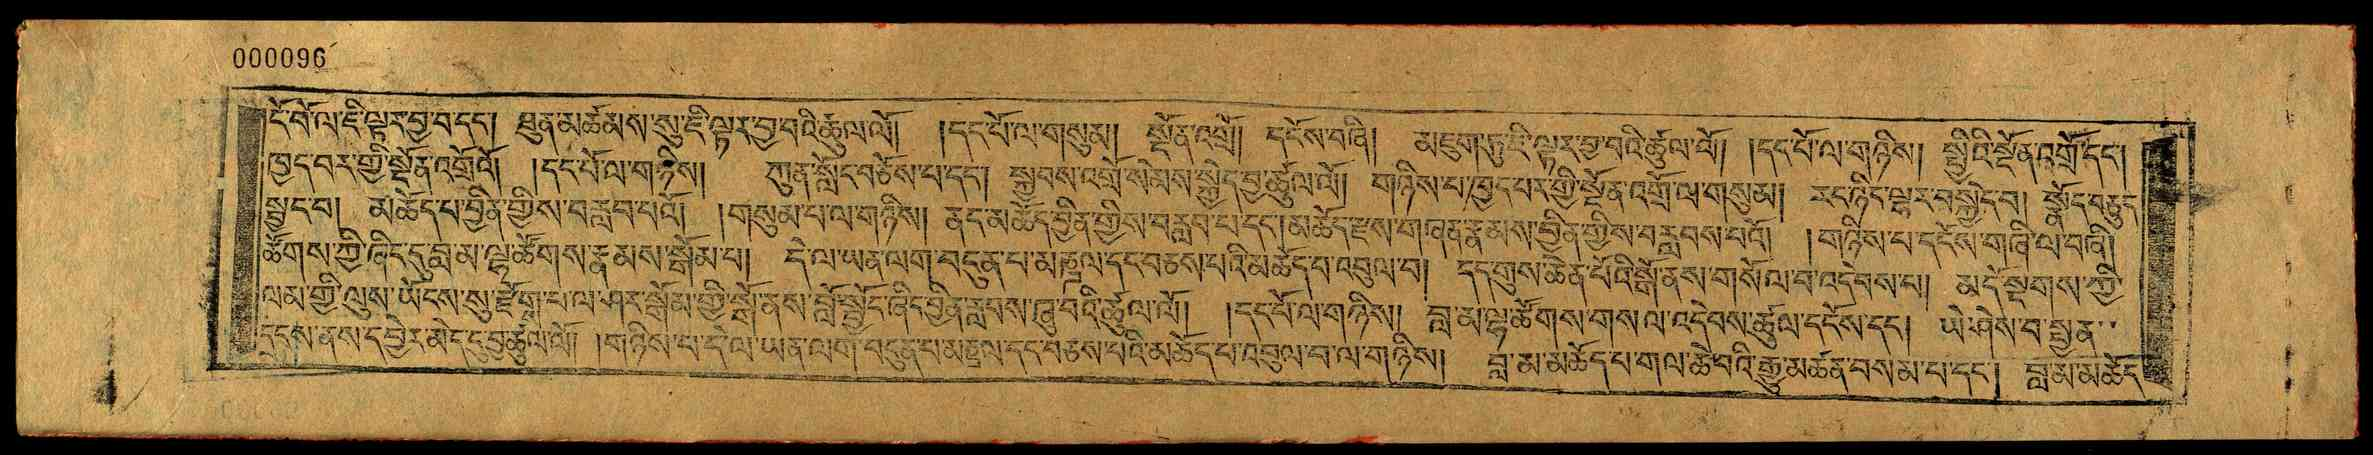ངོ་བོ་ལ་ཇི་ལྟར་བྱ་བ་དང་། ཐུན་མཚམས་སུ་ཇི་ལྟར་བྱ་བའི་ཚུལ་ལོ། །དང་པོ་ལ་གསུམ། སྔོན་འགྲོ། དངོས་གཞི། མཇུག་ཏུ་ཇི་ལྟར་བྱ་བའི་ཚུལ་ལོ། །དང་པོ་ལ་གཉིས། སྤྱིའི་སྔོན་འགྲོ་དང་།
ཁྱད་པར་གྱི་སྔོན་འགྲོའོ། །དང་པོ་ལ་གཉིས། ཀུན་སློང་བཅོས་པ་དང་། སྐྱབས་འགྲོ་སེམས་སྐྱེད་བྱ་ཚུལ་ལོ། གཉིས་པ་ཁྱད་པར་གྱི་སྟོན་འགྲོ་ལ་གསུམ། རང་ཉིད་ལྷར་བསྐྱེད་པ། སྣོད་བཅུད་
སྦྱང་བ། མཆོད་པ་བྱིན་གྱིས་བརླབ་པའོ། །གསུམ་པ་ལ་གཉིས། ནང་མཆོད་བྱིན་གྱིས་བརླབ་པ་དང་། མཆོད་རྫས་གཞན་རྣམས་བྱིན་གྱིས་བརླབས་པའོ། །གཉིས་པ་དངོས་གཞི་ལ་བཞི།
ཚོགས་ཀྱི་ཞིང་དུ་བླ་མ་ལྷ་ཚོགས་རྣམས་སྒོམ་པ། དེ་ལ་ཡན་ལག་བདུན་པ་མཎྜལ་དང་བཅས་པའི་མཆོད་པ་འབུལ་བ། དད་གུས་ཆེན་པོའི་སྒོ་ནས་གསོལ་བ་འདེབས་པ། མདོ་སྔགས་ཀྱི་
ལམ་གྱི་ལུས་ཡོངས་སུ་རྫོགས་པ་ལ་ཤར་སྒོམ་གྱི་སྒོ་ནས་བློ་སྦྱོང་ཞིང་བྱིན་རླབས་ཞུ་བའི་ཚུལ་ལོ། །དང་པོ་ལ་གཉིས། བླ་མ་ལྷ་ཚོགས་གསལ་འདེབས་ཚུལ་དངོས་དང་། ཡེ་ཤེས་པ་སྤྱན་
དྲངས་ནས་དབྱེར་མེད་དུ་བྱ་ཚུལ་ལོ། །གཉིས་པ་དེ་ལ་ཡན་ལག་བདུན་པ་མཎྜལ་དང་བཅས་པའི་མཆོད་པ་འབུལ་བ་ལ་གཉིས། བླ་མ་མཆོད་པ་གལ་ཆེ་བའི་རྒྱུ་མཚན་བསམ་པ་དང་། བླ་མ་མཆོད་